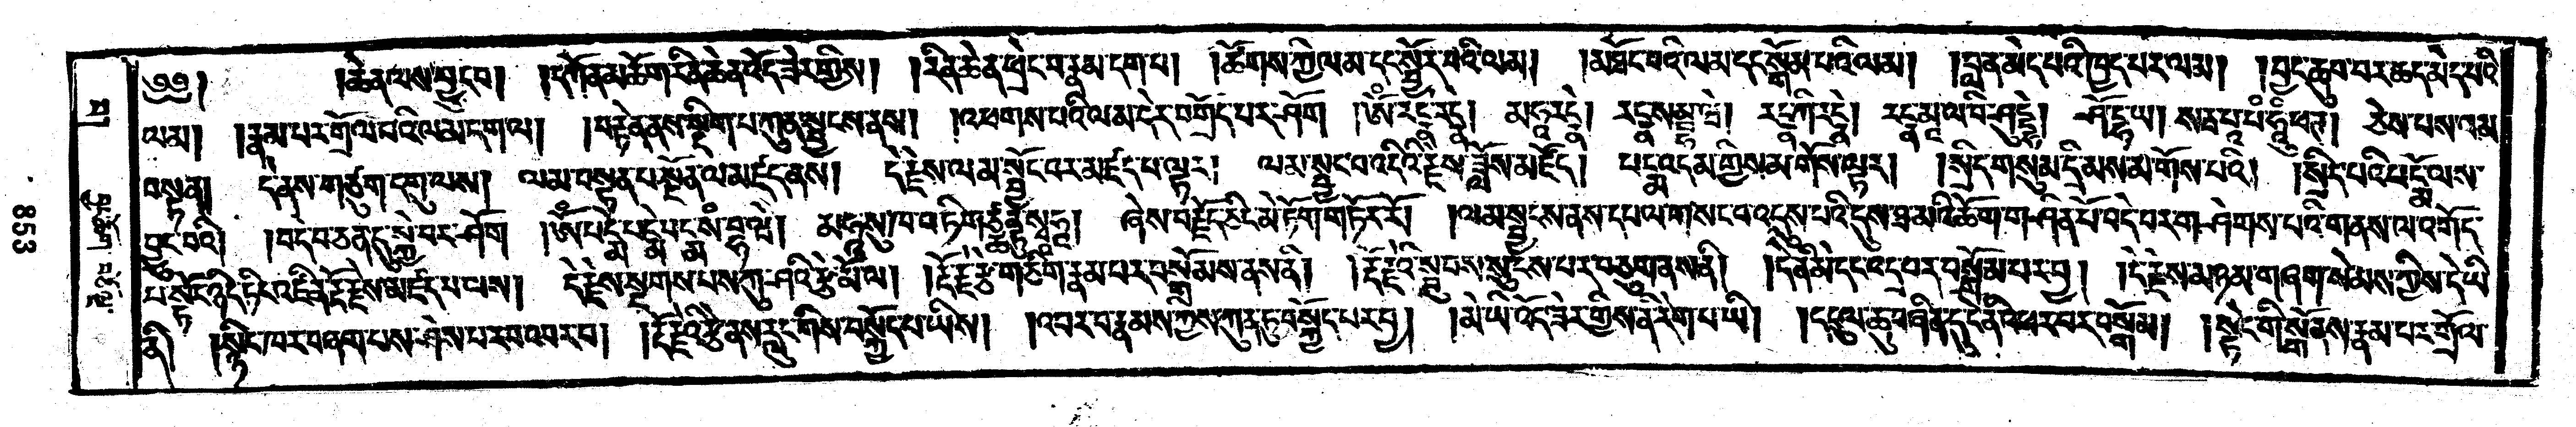༄༅། །ཆེན་ལས་བྱུང་བ། །དཀོན་མཆོག་རིན་ཆེན་འོད་ཟེར་གྱིས། །རིན་ཆེན་ཕྲེང་བ་རྣམ་དག་པ། །ཚོགས་ཀྱི་ལམ་དང་སྦྱོར་བའི་ལམ། །མཐོང་བའི་ལམ་དང་སྒོམ་པའི་ལམ། །བླ་ན་མེད་པའི་ཁྱད་པར་ལམ། །བྱང་ཆུབ་བར་ཆད་མེད་པའི་
ལམ། །རྣམ་པར་གྲོལ་བའི་ལམ་དག་ལ། །བརྟེན་ནས་སྡིག་པ་ཀུན་སྦྱངས་ནས། །འཕགས་པའི་ལམ་དེར་བགྲོད་པར་ཤོག །ཨོཾ་རདྣ་རདྣེ། མཧཱ་རདྣེ། རདྣ་སམྦྷ་ཝེ། རཏྣ་ཀི་རདྣེ། རདྣ་མཱ་ལ་བི་ཤུདྡྷེ། ཤོདྷ་ཡ། སརྦ་པཱ་པཾ་ཧཱུཾ་ཕཊ། ཅེས་པས་འམ་
བསྟན། དེ་ནས་གཙུག་དགུ་ལས། ལམ་བསྟན་པ་སྔོན་ལ་མཛད་ནས། དེ་རྗེས་ལམ་སྦྱོང་བར་མཛད་པ་ལྟར། ལམ་སྦྱང་བ་འདིའི་རྗེས་ཟློས་མཛོད། པདམ་འདམ་གྱིས་མ་གོས་ལྟར། །སྲིད་གསུམ་དྲི་མས་མ་གོས་པའི། །སྲིད་པའི་པདམོ་ལས་
བྱུང་བའི། །བདེ་བ་ཅན་དུ་སྐྱེ་བར་ཤོག །ཨོཾ་པདམེ་པདམེ་པདམ་སཾ་བྷ་ཝེ། མཧཱ་སུ་ཁ་བཏིག་ཙྪནྟུ་སྭཱཧཱ། ཞེས་བརྗོད་ཅིང་མེ་ཏོག་གཏོར་རོ། །ལམ་སྦྱངས་ནས་དཔལ་གསང་བ་འདུས་པའི་དུས་ཐ་མའི་ཆོ་ག་གཤིན་པོ་བདེ་བར་གཤེགས་པའི་གནས་ལ་འགོད་
པ་སྟོང་ཉིད་ཏིང་འཛིན་རྡོ་རྗེས་མཛད་པ་ལས། དེ་རྗེས་སྔགས་པས་ཀུ་ཤའི་རྩེ་མོ་ལ། །རྡོ་རྗེ་རྩེ་གཅིག་རྣམ་པར་བསྒྲོམས་ནས་ནི། །རྡོ་རྗེའི་སྦུབས་སུངས་པར་བཅུག་ནས་ནི། །དེ་ནི་མེ་དང་འདྲ་བར་བསྒོམ་པར་བྱ། །དེ་རྗེས་མཉམ་གཞག་སེམས་ཀྱིས་དེ་ཡི་
ནི། །སྙིང་ཁར་བཞག་པས་ཤེས་པ་རབ་འབར་བ། །རྡོ་རྗེའི་རྩེ་ནས་རླུང་གིས་བསྐྱོད་པ་ཡིས། །འབར་བ་རྣམས་ཀྱིས་ཀུན་ཏུ་བསྐྱོད་པར་བྱ། །མེ་ཡི་འོད་ཟེར་གྱིས་ནི་རེག་པ་ཡི། །དངུལ་ཆུ་བཞིན་དུ་དེ་ནི་འཕར་བར་བསྒོམ། །སྟེང་གི་སྒོ་ནས་རྣམ་པར་གྲོལ་